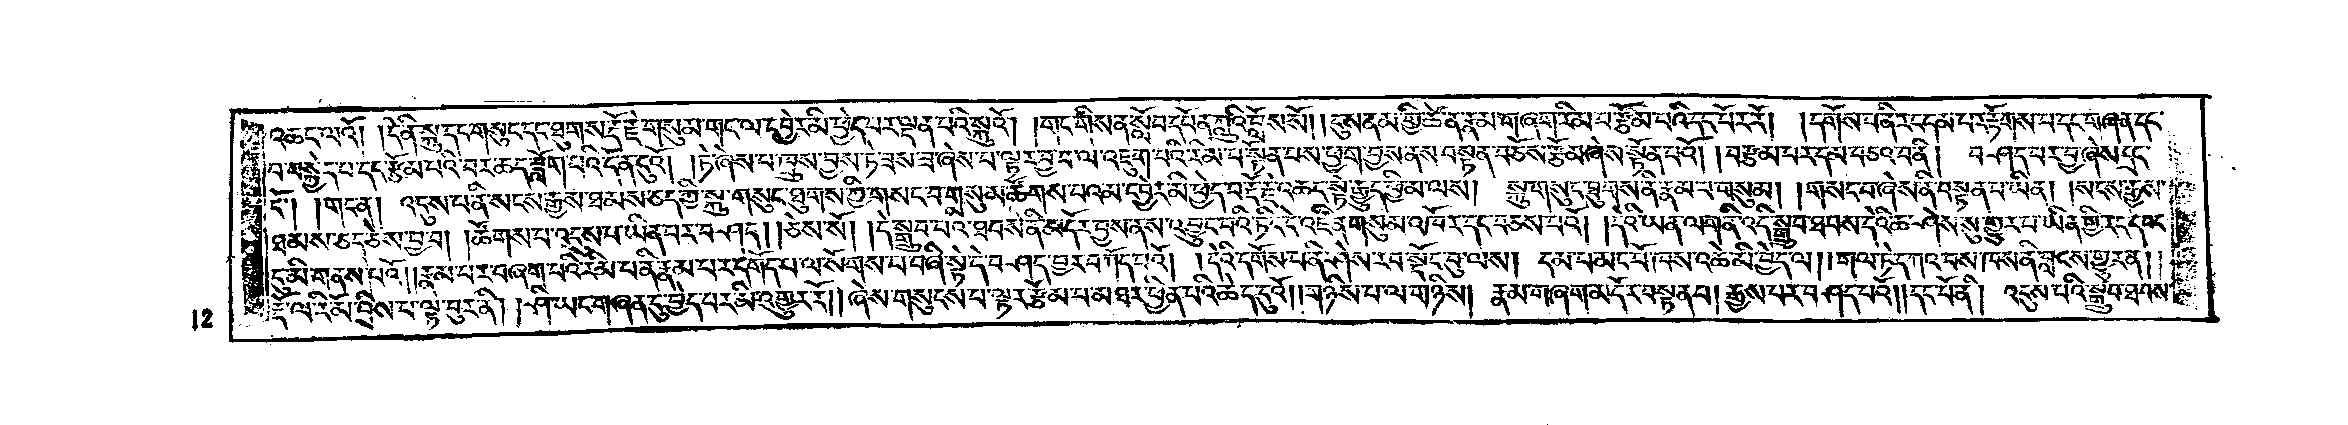འཆང་ལའོ། །དེ་ནི་སྐུ་དང་གསུང་དང་ཐུགས་རྡོ་རྗེ་གསུམ་གང་ལ་དབྱེར་མི་ཕྱེད་པར་ལྡན་པའི་སྐུའོ། །གང་གིས་ན་སློབ་དཔོན་ཀླུའི་བློས་སོ། །དུས་ནམ་གྱི་ཆེ་ན་རྣམ་གཞག་རིམ་པ་རྩོམ་པའི་དང་པོར་རོ། །དགོས་པ་ནི་རང་དམ་པར་རྟོགས་པ་དང་གཞན་དང་
བ་བསྐྱེད་པ་དང་རྩོམ་པའི་བར་ཆད་ཟློག་པའི་དོན་དུའོ། །ཏེ་ཞེས་པ་ཁྲུས་བྱས་ཏེ་ཟས་ཟ་ཞེས་པ་ལྟར་བྱ་བ་ལ་འཇུག་པའི་རིམ་པ་སྟོན་པས་ཕྱག་བྱས་ནས་བསྟན་བཅོས་རྩོམ་ཞེས་སྟོན་པའོ། །བརྩམ་པར་དམ་བཅའ་བ་ནི། བཤད་པར་བྱ་ཞེས་དྲང་
ངོ། །གང་ན། འདུས་པ་ནི་སངས་རྒྱས་ཐམས་ཅད་ཀྱི་སྐུ་གསུང་ཐུགས་ཀྱི་གསང་བ་གསུམ་ཚོགས་པའམ་དབྱེར་མི་ཕྱེད་པ་རྡོ་རྗེ་འཆང་སྟེ་རྒྱུད་ཕྱི་མ་ལས། སྐུ་གསུང་ཐུགས་ནི་རྣམ་པ་གསུམ། །གསང་བ་ཞེས་ནི་བསྟན་པ་ཡིན། །སངས་རྒྱས་
ཐམས་ཅད་ཅེས་བྱ་བ། །ཚོགས་པ་འདུས་པ་ཡིན་པར་བཤད། །ཅེས་སོ། །དེ་སྒྲུབ་པའི་ཐབས་ནི་མདོར་བྱས་ནས་འབྱུང་བའི་ཏིང་ངེ་འཛིན་གསུམ་འཁོར་དང་བཅས་པའོ། །དེའི་ཡན་ལག་ནི་འདི་སྒྲུབ་ཐབས་དེའི་ཆ་ཤས་སུ་གྱུར་པ་ཡིན་གྱི་རང་དབང་
དུ་མི་གནས་པའོ། །རྣམ་པར་བཞག་པའི་རིམ་པ་ནི་རྣམ་པར་དགོད་པ་ལ་སོགས་པ་བཞི་སྟེ་དེ་བཤད་བྱར་བཀོད་པའོ། །དེའི་དགོས་པ་ནི་ཤེས་རབ་སྡོང་བུ་ལས། དམ་པ་མང་པོ་ཁས་འཆེ་མི་བྱེད་ལ། །གལ་ཏེ་དཀའ་བས་ཁས་ནི་བླངས་གྱུར་ན། །
རྡོ་ལ་རི་མོ་བྲིས་པ་ལྟ་བུར་ན། །ཤི་ཡང་གཞན་དུ་བྱེད་པ་མི་འགྱུར་རོ། །ཞེས་གསུངས་པ་ལྟར་རྩོམ་པ་མཐར་ཕྱིན་པའི་ཆེད་དུའོ། །གཉིས་པ་ལ་གཉིས། རྣམ་གཞག་མདོར་བསྟན་པ། རྒྱས་པར་བཤད་པའོ། །དང་པོ་ནི། འདུས་པའི་སྒྲུབ་ཐབས་